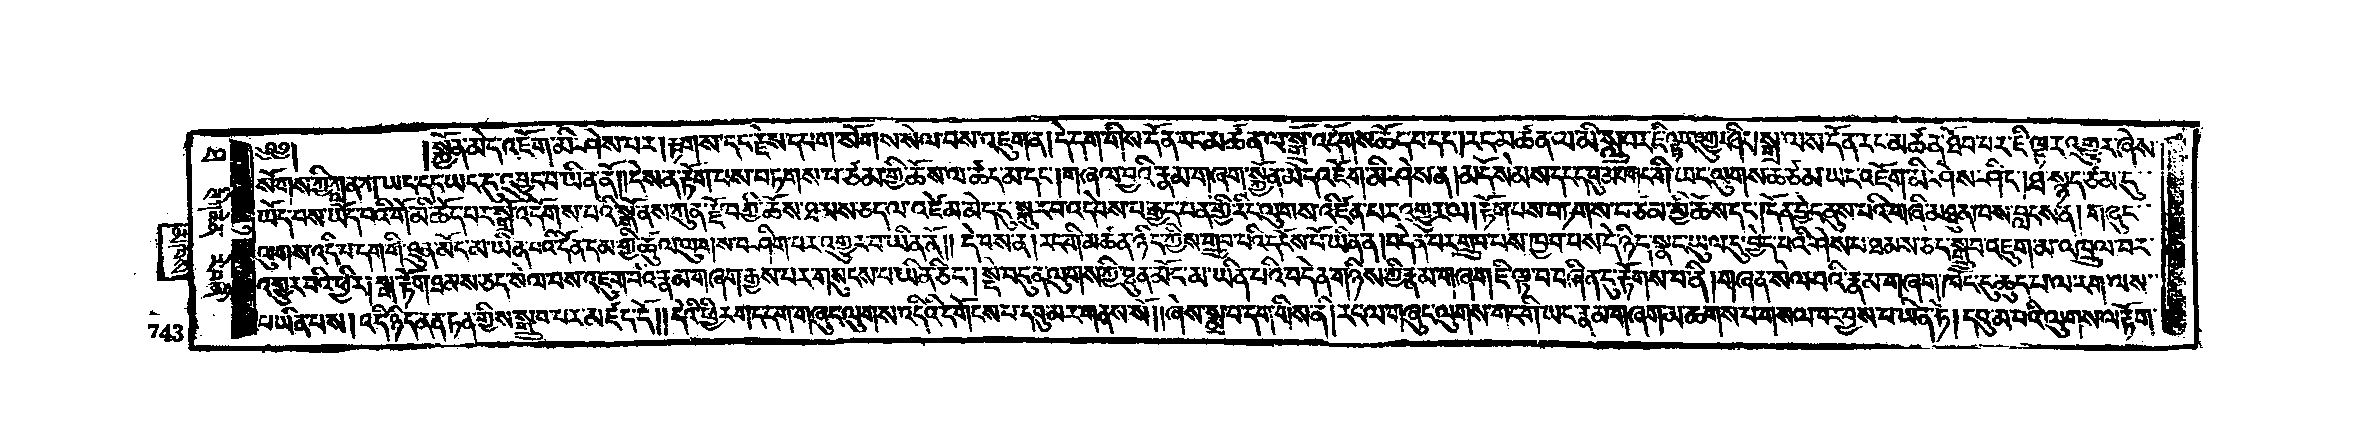༄༅། །སྐྱོན་མེད་འཇོག་མི་ཤེས་པར། རྟགས་དང་རྗེས་དཔག་སོགས་སེལ་བས་འཇུག་ན། དེ་དག་གིས་དོན་རང་མཚན་ལ་སྒྲོ་འདོགས་ཆོད་པ་དང་། རང་མཚན་ལ་མི་སླུ་བར་ཇི་ལྟར་འགྱུར་ཞིང་། སྒྲ་ལས་དོན་རང་མཚན་ཐོབ་པར་ཇི་ལྟར་འགྱུར་ཞེས་
སོགས་ཀྱི་ཀླན་ཀ་ཡང་དང་ཡང་དུ་འབྱུང་བ་ཡིན་ནོ། །དེས་ན་རྟོག་པས་བཏགས་པ་ཙམ་གྱི་ཆོས་ལ་ཚད་མ་དང་། གཞལ་བྱའི་རྣམ་གཞག་སྐྱོན་མེད་འཇོག་མི་ཤེས་ན། མདོ་སེམས་དང་དབུ་མ་པ་གང་གི་ཡང་ལུགས་ཆ་ཙམ་ཡང་འཇོག་མི་ཤེས་ཤིང་། ཐ་སྙད་ཙམ་དུ་
ཡོད་པས་ཡོད་པའི་གོ་མི་ཆོད་པར་སྒྲོ་འདོགས་པའི་སྒོ་ནས་ཀུན་རྫོབ་ཀྱི་ཆོས་ཐམས་ཅད་ལ་འཛེམ་མེད་དུ་སྐུར་བ་འདེབས་པ་རྒྱད་པན་གྱི་རིང་ལུགས་འཛིན་པར་འགྱུར་ལ། རྟོག་པས་བཏགས་པ་ཙམ་གྱི་ཆོས་དང་། དོན་བྱེད་ནུས་པའི་གཞི་མཐུན་ཁས་བླངས་ན། གཞུང་
ལུགས་འདི་པ་དག་གི་ཐུན་མོང་མ་ཡིན་པའི་དོན་དམ་གྱི་ཚུལ་ལུགས་བཤིག་པར་འགྱུར་བ་ཡིན་ནོ། །དེ་བས་ན། རང་གི་མཚན་ཉིད་ཀྱིས་གྲུབ་པའི་དངོས་པོ་ཡིན་ན། བདེན་པར་གྲུབ་པས་ཁྱབ་པས་དེ་ཉིད་སྣང་ཡུལ་དུ་བྱེད་པའི་ཤེས་པ་ཐམས་ཅད་སྒྲུབ་འཇུག་མ་འཁྲུལ་བར་
འགྱུར་བའི་ཕྱིར། སྒྲ་རྟོག་ཐམས་ཅད་སེལ་བས་འཇུག་པའི་རྣམ་གཞག་རྒྱས་པར་གསུངས་པ་ཡིན་ཅིང་། སྡེ་བདུན་ལུགས་ཀྱི་ཐུན་མོང་མ་ཡིན་པའི་བདེན་གཉིས་ཀྱི་རྣམ་གཞག་ཇི་ལྟ་བ་བཞིན་དུ་རྟོགས་པ་ནི། གཞན་སེལ་བའི་རྣམ་གཞག་ཁོང་དུ་ཆུད་པ་ལ་རག་ལས་
པ་ཡིན་པས། འདི་ཉིད་ནན་ཏན་གྱིས་སྒྲུབ་པར་མཛད་དོ། །དེའི་ཕྱིར་གང་དག་གཞུང་ལུགས་འདིའི་དགོངས་པ་དབུ་མར་གནས་སོ། །ཞེས་སྨྲ་བ་དག་གིས་ནི། རང་ལ་གཞུང་ལུགས་གང་གི་ཡང་རྣམ་གཞག་མ་ཆགས་པ་གསལ་བར་བྱས་པ་ཡིན་ཏེ། དབུ་མ་པའི་ལུགས་ལ་རྟོག་